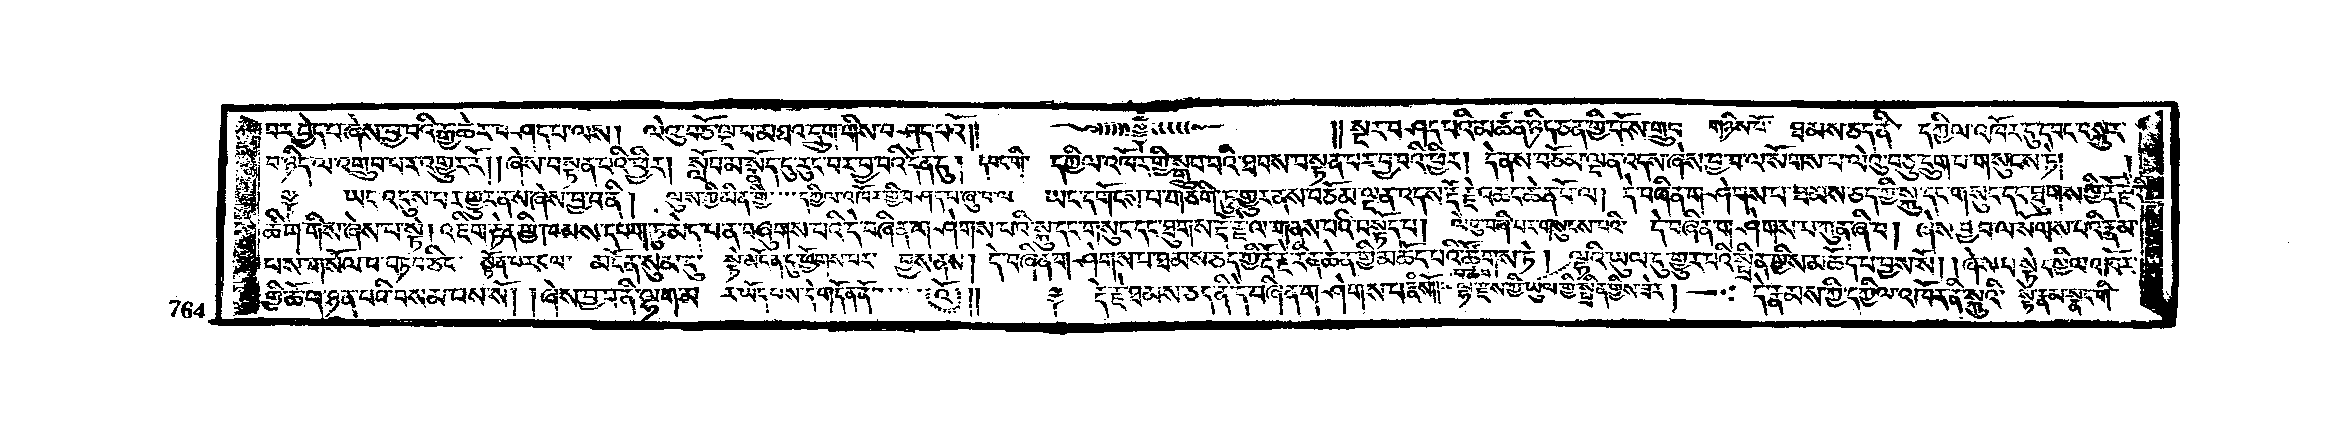བར་བྱེད་པ་ཞེས་བྱ་བའི་རྒྱ་ཆེར་བཤད་པ་ལས། ལེའུ་བཅོ་ལྔ་པ་མཐའ་དྲུག་གིས་བཤད་པའོ།། ༆་།།སྔར་བཤད་པའི་མཚན་ཉིད་ཅན་གྱི་དངོས་གྲུབ་གཉིས་པོ་ཐམས་ཅད་ནི་དཀྱིལ་འཁོར་དུ་དབང་བསྐུར་
བ་ཉིད་ལ་འགྲུབ་པར་འགྱུར་རོ། །ཞེས་བསྟན་པའི་ཕྱིར། སློབ་མ་སྣོད་དུ་རུང་བར་བྱ་བའི་དོན་དུ། དབང་གི་དཀྱིལ་འཁོར་གྱི་སྒྲུབ་པའི་ཐབས་བསྟན་པར་བྱ་བའི་ཕྱིར། དེ་ནས་བཅོམ་ལྡན་འདས་ཞེས་བྱ་བ་ལ་སོགས་པ་ལེའུ་བཅུ་དྲུག་པ་གསུངས་ཏེ། །
༈ ཡང་འདུས་པར་གྱུར་ནས་ཞེས་བྱ་བ་ནི། ལུས་ཀྱི་མིན་གྱི་དཀྱིལ་འཁོར་གྱི་བཤད་པ་ཞུ་བ་ལ་ཡང་དགོངས་པ་གཅིག་ཏུ་གྱུར་ནས་བཅོམ་ལྡན་འདས་རྡོ་རྗེ་འཆང་ཆེན་པོ་ལ། དེ་བཞིན་གཤེགས་པ་ཐམས་ཅད་ཀྱི་སྐུ་དང་གསུང་དང་ཐུགས་ཀྱི་རྡོ་རྗེའི་
ཚིག་གིས་ཞེས་པ་སྟེ། འཇིག་རྟེན་གྱི་ཁམས་དཔག་ཏུ་མེད་པ་ན་བཞུགས་པའི་དེ་བཞིན་གཤེགས་པའི་སྐུ་དང་གསུང་དང་ཐུགས་རྡོ་རྗེ་ལ་གནས་པའི་བསྟོད་པ། ལེའུ་བཞི་པར་གསུངས་པའི་དེ་བཞིན་གཤེགས་པ་ཀུན་ཞི་བ། ཞེས་བྱ་བ་ལ་སོགས་པའི་རྣམ་
པས་གསོལ་བ་བཏབ་ཅིང་སྟོན་པ་རང་ལ་མངོན་སུམ་དུ་སྟེ་མངོན་དུ་ཕྱོགས་པར་བྱས་ནས། དེ་བཞིན་གཤེགས་པ་ཐམས་ཅད་ཀྱི་རྡོ་རྗེ་རིན་ཆེན་གྱི་མཆོད་པའི་ཚོགས་ཏེ། ལྷའི་ཡུལ་དུ་གྱུར་པའི་སྤྲིན་གྱིས་མཆོད་པ་བྱས་སོ། །ཞེས་པ་སྟེ་དཀྱིལ་འཁོར་
གྱི་ཆོག་ཉན་པའི་བསམ་པས་སོ། །ཞེས་བྱ་བ་ནི་ལྷག་མར་ཡོད་པས་དེ་གདོན་ནོ་འོ།། ༈ རྡོ་རྗེ་ཐམས་ཅད་ནི་དེ་བཞིན་གཤེགས་པ་རྣམས་སོ།། པ་ཚབ་ལྷ་རྫས་ཀྱི་ཡུལ་གྱི་སྤྲིན་གྱིས་ཟེར། .H དེ་རྣམས་ཀྱི་དཀྱིལ་འཁོར་ནི་སྐུའི་སྟོ་རྣམ་སྣང་གི་